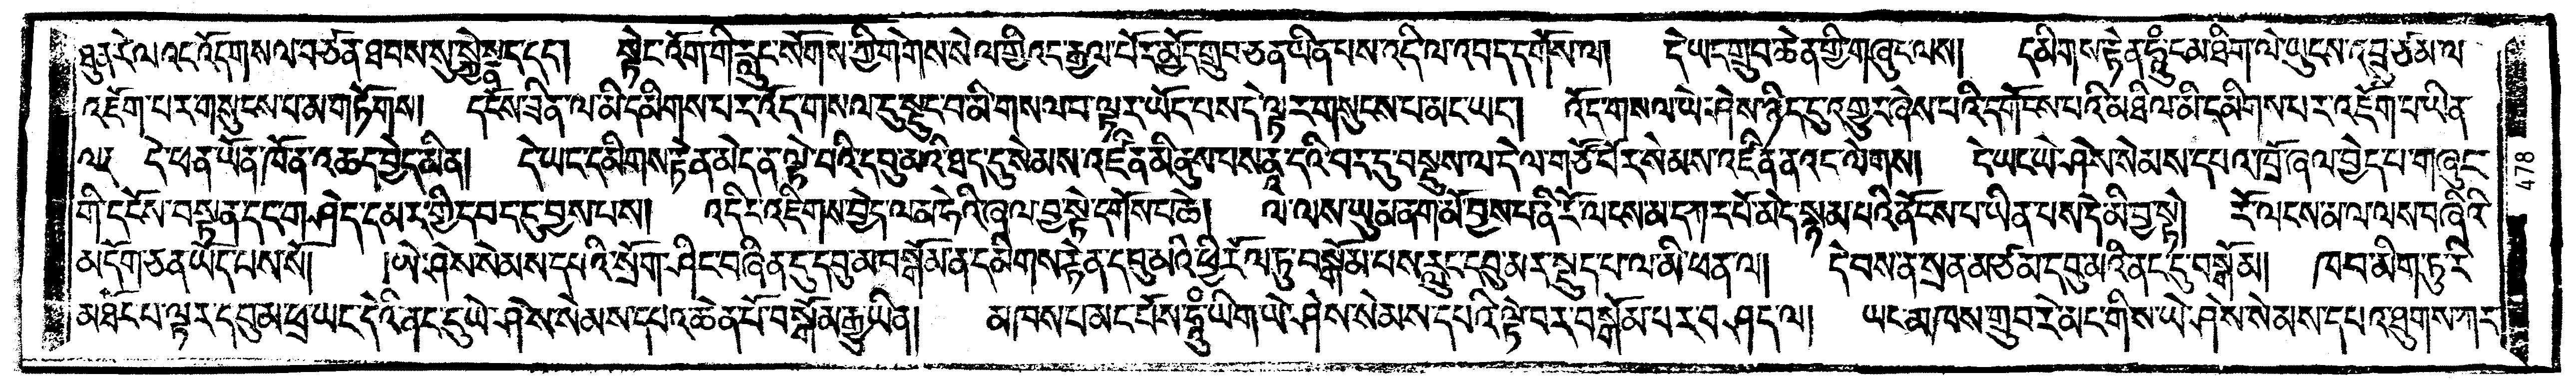ཐུན་རེ་ལའང་འོད་གསལ་བཙན་ཐབས་སུ་སྐྱེ་སྣང་དང་། སྟེང་འོག་གི་རླུང་སོགས་ཀྱི་གེགས་སེལ་གྱིའང་རྒྱལ་པོར་མྱོང་གྲུབ་ཅན་ཡིན་པས་འདི་ལ་འབད་དགོས་ལ། དེ་ཡང་གྲུབ་ཆེན་གྱི་གཞུང་ལས། དམིགས་རྟེན་ཧཱུཾ་ངམ་ཐིག་ལེ་ཡུངས་འབྲུ་ཙམ་ལ་
འཇོག་པར་གསུངས་པ་མ་གཏོགས། དངོས་ཟིན་ལ་མི་དམིགས་པར་འོད་གསལ་དུ་སྡུད་བ་མི་གསལ་བ་ལྟར་ཡོད་པས་དེ་ལྟར་གསུངས་པ་མང་ཡང་། འོད་གསལ་ཡེ་ཤེས་ཉིད་དུ་འགྱུར་ཞེས་པའི་དགོངས་པའི་མཐིལ་མི་དམིགས་པར་འཇོག་པ་ཡིན་
ལ༑ དེ་ཕན་ཡོན་ཁོ་ན་འཆད་བྱེད་མིན། དེ་ཡང་དམིགས་རྟེན་མེད་ན་ལྟེ་བའི་དབུ་མའི་ཐད་དུ་སེམས་འཛིན་མི་ནུས་པས་ནཱ་དའི་བར་དུ་བསྡུས་ལ་དེ་ལ་གཙོ་བོར་སེམས་འཛིན་ནའང་ལེགས། དེ་ཡང་ཡེ་ཤེས་སེམས་དཔའ་ཁྲོ་ཞལ་བྱེད་པ་གཞུང་
གི་དངོས་བསྟན་དང་གཤེད་དམར་གྱི་དབང་དུ་བྱས་པས། འདིར་འཇིགས་བྱེད་ལ་མ་ཧེའི་ཞལ་བྱ་སྟེ་དགོས་པ་ཆེ། ལ་ལས་ཡུམ་ནག་མོ་བྱས་པ་ནི་རོ་ལངས་མ་དཀར་པོ་མེད་སྙམ་པའི་ནོངས་པ་ཡིན་པས་དེ་མི་བྱ་སྟེ། རོ་ལངས་མ་ལ་ལས་བཞིའི་
མདོག་ཅན་ཡོད་པས་སོ། །ཡེ་ཤེས་སེམས་དཔའི་སྲོག་ཤིང་བཞིན་དུ་དབུ་མ་བསྒོམ་ན་དམིགས་རྟེན་དབུ་མའི་ཕྱི་རོལ་ཏུ་བསྒོམ་པས་རླུང་དབུ་མར་སྡུད་པ་ལ་མི་ཕན་ལ། དེ་བས་ན་སྲན་མ་ཙམ་དབུ་མའི་ནང་དུ་བསྒོམ། ཁབ་མིག་ཏུ་རི་
མཐོང་པ་ལྟར་དབུ་མ་ཕྲ་ཡང་དེའི་ནང་དུ་ཡེ་ཤེས་སེམས་དཔའ་ཆེན་པོ་བསྒོམ་རྒྱུ་ཡིན། མཁས་པ་མང་པོས་ཧཱུཾ་ཡིག་ཡེ་ཤེས་སེམས་དཔའི་ལྟེ་བར་བསྒོམ་པར་བཤད་ལ། ཡང་མཁས་གྲུབ་རེ་མང་གིས་ཡེ་ཤེས་སེམས་དཔའ་ཐུགས་ཀར་